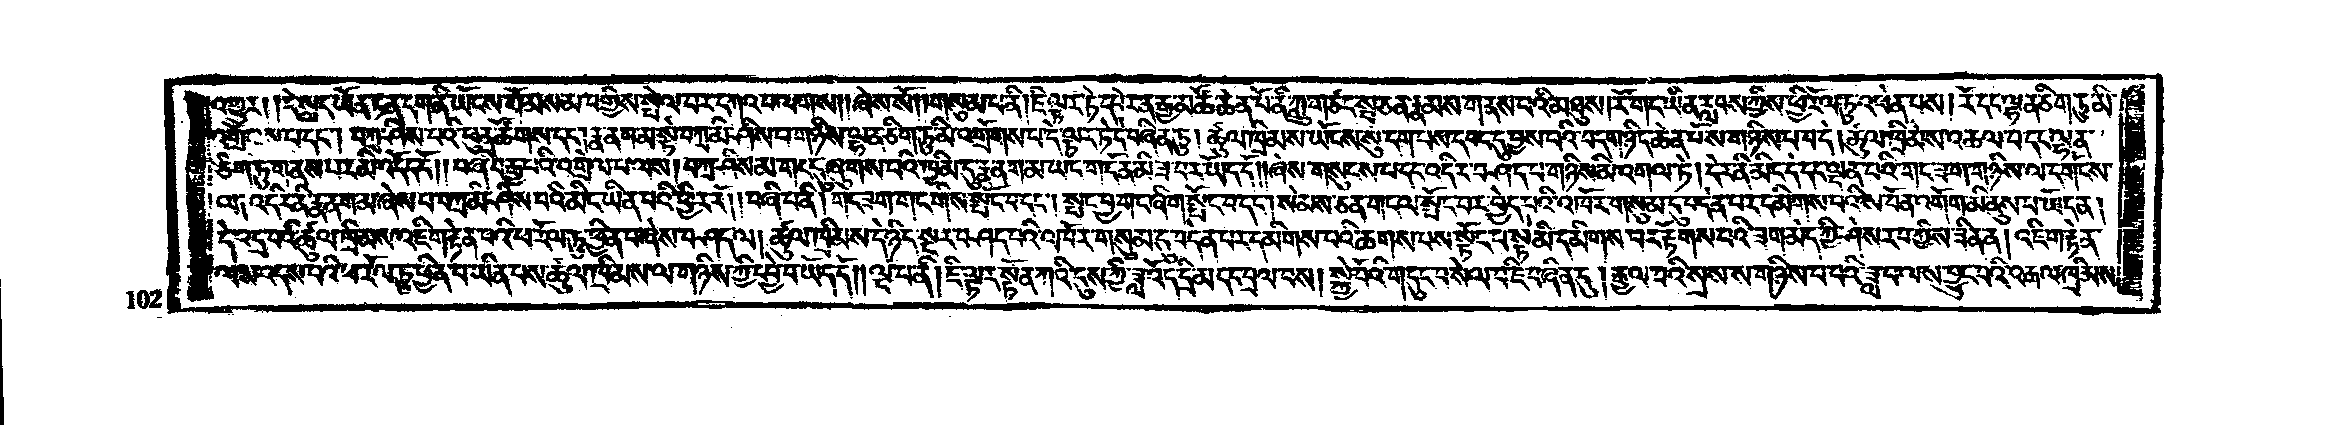འགྱུར། །དེ་སླད་ཡོན་ཏན་དག་ནི་ཡོངས་གོམས་མ་བགྱིས་སྤེལ་བར་དཀའ་བ་ལགས། །ཞེས་སོ། །གསུམ་པ་ནི། ཇི་ལྟར་ཏེ་དཔེར་ན་རྒྱ་མཚོ་ཆེན་པོ་ནི་ཀླུ་གཙང་སྦྲ་ཅན་རྣམས་གནས་པའི་མཐུས། རོ་གང་ཡིན་རླངས་ཀྱིས་ཕྱི་རོལ་ཏུ་འཕེན་པས། རོ་དང་ལྷན་ཅིག་ཏུ་མི་
འགྲོགས་པ་དང་། བཀྲ་ཤིས་པའི་ཕུན་ཚོགས་དང་། རྣ་ནག་མ་སྟེ་བཀྲ་མི་ཤིས་པ་གཉིས་ལྷན་ཅིག་ཏུ་མེ་འགྲོགས་པ་དེ་ལྟར་ཏེ་དེ་བཞིན་ཏུ། ཚུལ་ཁྲིམས་ཡོངས་སུ་དག་པས་དབང་དུ་བྱས་པའི་བདག་ཉིད་ཆེན་པོ་ས་གཉིས་པ་བ་དེ། ཚུལ་ཁྲིམས་འཆལ་བ་དང་ལྷན་
ཅིག་ཏུ་གནས་པར་མི་འདོད་དོ། །བཞི་བརྒྱ་པའི་འགྲེལ་པ་ལས། བཀྲ་ཤིས་མ་གང་དུ་ཞུགས་པའི་ཁྱིམ་དུ་རྣ་ནག་མ་ཡང་གདོན་མི་ཟ་བར་ཡོད་དོ། །ཞེས་གསུངས་པ་དང་འདིར་བཤད་པ་གཉིས་མི་འགལ་ཏེ། དེར་ནི་མིང་དེ་དང་ལྡན་པའི་གང་ཟག་གཉིས་ལ་དགོངས་
ལ། འདིར་ནི་རྣ་ནག་མ་ཞེས་པ་བཀྲ་མེ་ཤིས་པའི་མིང་ཡིན་པའི་ཕྱིར་རོ། །བཞི་པ་ནི། གང་ཟག་གང་གིས་སྤོང་བ་དང་། སྤང་བྱ་གང་ཞིག་སྤོང་བ་དང་། སེམས་ཅན་གང་ལ་སྤོང་བར་བྱེད་པའི་འཁོར་གསུམ་དུ་བདེན་པར་དམིགས་པའི་ས་བོན་འགོག་མི་ནུས་པ་ཡོད་ན།
དེ་འདྲ་བའི་ཚུལ་ཁྲིམས་འཇིག་རྟེན་པའི་ཕ་རོལ་ཏུ་ཕྱིན་པ་ཞེས་བཤད་ལ། ཚུལ་ཁྲིམས་དེ་ཉིད་སྔར་བཤད་པའི་འཁོར་གསུམ་དུ་བདེན་པར་དམིགས་པའི་ཆགས་པས་སྟོང་པ་སྟེ་མི་དམིགས་པར་རྟོགས་པའི་ཟག་མེད་ཀྱི་ཤེས་རབ་ཀྱིས་ཟིན་ན། འཇིག་རྟེན་
ལས་འདས་པའི་ཕ་རོལ་ཏུ་ཕྱིན་པ་ཡིན་པས་ཚུལ་ཁྲིམས་ལ་གཉིས་ཀྱི་དབྱེ་བ་ཡོད་དོ། །ལྔ་པ་ནི། ཇི་ལྟར་སྟོན་ཀའི་དུས་ཀྱི་ཟླ་འོད་དྲི་མ་དང་བྲལ་བས། སྐྱེ་བོའི་གདུང་བ་སེལ་བ་ཇི་བཞིན་དུ། རྒྱལ་བའི་སྲས་ས་གཉིས་པ་བའི་ཟླ་བ་ལས་བྱུང་བའི་འཆལ་ཁྲིམས་